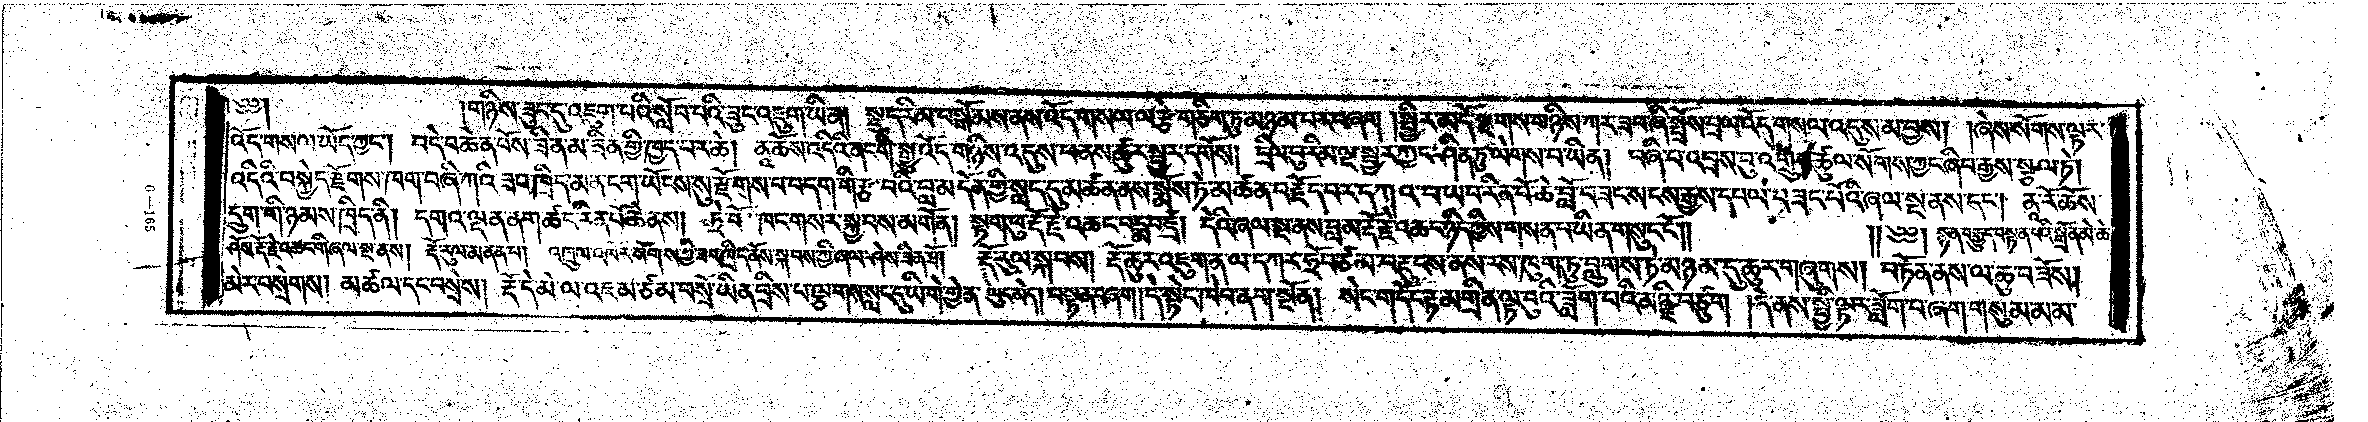༄༅། །གཉིས་ཟུང་དུ་འཇུག་པའི་སློབ་པའི་ཟུང་འཇུག་ཡིན། སྡུད་རིམ་བསྒོམས་ནས་འོད་གསལ་ལ་རྩེ་གཅིག་ཏུ་མཉམ་པར་བཞག །སྤྱིར་མདོ་སྔགས་གཉིས་ཀར་ཟབ་ཞི་སྤྲོས་བྲལ་འོད་གསལ་འདུས་མ་བྱས། །ཞེས་སོགས་ལྟར་
འོད་གསལ་ཡོད་ཀྱང་། བདེ་བ་ཆེན་པོས་ཟིན་མ་ཟིན་གྱི་ཁྱད་པར་ཆེ། ནཱ་ཆོས་འདིའི་ནང་གི་སྒྱུ་འོད་གཉིས་འདུས་པ་ནས་ཚུར་སྦྱར་དགོས། དྲིལ་བུ་རིམ་ལྔ་སྦྱར་ཀྱང་ཤིན་ཏུ་ལེགས་པ་ཡིན། བཞི་བ་འབྲས་བུ་འགྲུབ་ཚུལ་སོགས་ཀྱང་ཞིབ་རྒྱས་སྩལ་ཏེ།
འདིའི་བསྐྱེད་རྫོགས་ཁག་བཞི་ཀའི་ཟབ་ཁྲིད་མན་ངག་ཡོངས་སུ་རྫོགས་པ་དག་གི་རྩ་བའི་བླ་མ་དོན་གྱི་སླད་དུ་མཚན་ནས་སྨོས་ཏེ་མཚན་བརྗོད་བར་དཀའ་བ་ཡབ་རིན་པོ་ཆེ་བློ་བཟང་སངས་རྒྱས་དཔལ་བཟང་པོའི་ཞལ་སྔ་ནས་དང་། ནཱ་རོ་ཆོས་
དྲུག་གི་ཉམས་ཁྲིད་ནི། དགའ་ལྡན་ནག་ཚང་རིན་པོ་ཆེ་ནས། ཏྲེ་བོ་ཁང་གསར་སྐྱབས་མགོན། སྟག་ཕུ་རྡོ་རྗེ་འཆང་པདམ་བཛྲ། དེའི་ཞལ་སྔ་ནས་བླ་མ་རྡོ་རྗེ་འཆང་ཉིད་ཀྱིས་གསན་པ་ཡིན་གསུང་ངོ།། །། ༄༅། །སྙན་བརྒྱུད་བསྟན་པའི་སྒྲོན་མེ་ཆེ་
ཤོས་རྡོ་རྗེ་འཆང་གི་ཞལ་སྔ་ནས། རྡོ་རུལ་མནན་པ། འཁྲུལ་འཁོར་སོགས་ཀྱི་ཟབ་ཁྲིད་ནོས་སྐབས་ཀྱི་ཞལ་ཤེས་ཟིན་ཐོ། ལུང་མེད།  རྡོ་རུལ་སྐབས། རྡོ་ཆུར་འཇུག་ན་ལ་དཀར་ཧྲོབ་ཙམ་བརྡུངས་ནས་རས་ཁུག་ཏུ་བླུགས་ཏེ་མཉམ་དུ་ཆུར་བཞུགས། བཏོན་ནས་ལ་ཆུ་བཟོས།
མེར་བསྲེགས། མཚལ་དང་བསྲེས། རྡོ་དེ་མེ་ལ་འཇམ་ཙམ་བསྲོ་ཡིན་བྲིས་པ་ལྕགས་སླང་དུ་ཡི་གེ་གྱེན་བསྟན་བཞག །དེ་སྟེང་ཁེབ་ནག་སྔོན། སེང་གདོང་རྟ་མགྲིན་ལྟ་བུའི་ཟློག་པའི་མཉྫི་བཙུག །དེ་ནས་སྤྱི་ལྟར་ཟློག་པ་ཞག་གསུམ་མམ་